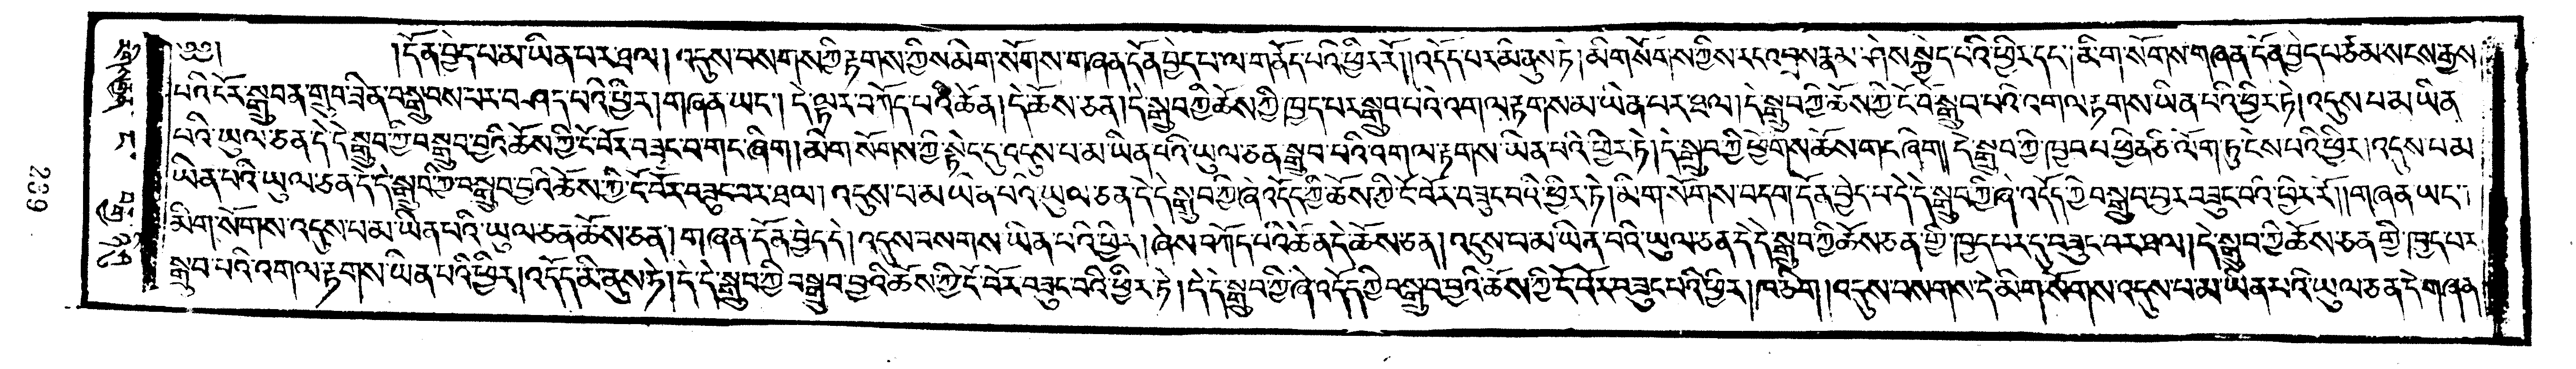༄༅། །དོན་བྱེད་པ་མ་ཡིན་པར་ཐལ། འདུས་བསགས་ཀྱི་རྟགས་ཀྱིས་མིག་སོགས་གཞན་དོན་བྱེད་པ་ལ་གནོད་པའི་ཕྱིར་རོ། །འདོད་པར་མི་ནུས་ཏེ། མིག་སོགས་ཀྱིས་རང་འབྲས་རྣམ་ཤེས་སྐྱེད་པའི་ཕྱིར་དང་། མིག་སོགས་གཞན་དོན་བྱེད་པ་ཙམ་སངས་རྒྱས་
པའི་ངོར་སྒྲུབ་ན་གྲུབ་ཟིན་བསྒྲུབས་པར་བཤད་པའི་ཕྱིར། གཞན་ཡང་། དེ་ལྟར་བཀོད་པའི་ཚེ་ན། དེ་ཆོས་ཅན། དེ་སྒྲུབ་ཀྱི་ཆོས་ཀྱི་ཁྱད་པར་སྒྲུབ་པའི་འགལ་རྟགས་མ་ཡིན་པར་ཐལ། དེ་སྒྲུབ་ཀྱི་ཆོས་ཀྱི་ངོ་བོ་སྒྲུབ་པའི་འགལ་རྟགས་ཡིན་པའི་ཕྱིར་ཏེ། འདུས་པ་མ་ཡིན་
པའི་ཡུལ་ཅན་དེ་དེ་སྒྲུབ་ཀྱི་བསྒྲུབ་བྱའི་ཆོས་ཀྱི་ངོ་བོར་བཟུང་བ་གང་ཞིག །མིག་སོགས་ཀྱི་སྟེང་དུ་འདུས་པ་མ་ཡིན་པའི་ཡུལ་ཅན་སྒྲུབ་པའི་འགལ་རྟགས་ཡིན་པའི་ཕྱིར་ཏེ། དེ་སྒྲུབ་ཀྱི་ཕྱོགས་ཆོས་གང་ཞིག །དེ་སྒྲུབ་ཀྱི་ཁྱབ་པ་ཕྱིན་ཅི་ལོག་ཏུ་ངེས་པའི་ཕྱིར། འདུས་པ་མ་
ཡིན་པའི་ཡུལ་ཅན་དེ་དེ་སྒྲུབ་ཀྱི་བསྒྲུབ་བྱའི་ཆོས་ཀྱི་ངོ་བོར་བཟུང་བར་ཐལ། འདུས་པ་མ་ཡིན་པའི་ཡུལ་ཅན་དེ་དེ་སྒྲུབ་ཀྱི་ཞེ་འདོད་ཀྱི་ཆོས་ཀྱི་ངོ་བོར་བཟུང་བའི་ཕྱིར་ཏེ། མིག་སོགས་བདག་དོན་བྱེད་པ་དེ་དེ་སྒྲུབ་ཀྱི་ཞེ་འདོད་ཀྱི་བསྒྲུབ་བྱར་བཟུང་བའི་ཕྱིར་རོ། །གཞན་ཡང་།
མིག་སོགས་འདུས་པ་མ་ཡིན་པའི་ཡུལ་ཅན་ཆོས་ཅན། གཞན་དོན་བྱེད་དེ། འདུས་བསགས་ཡིན་པའི་ཕྱིར། ཞེས་བཀོད་པའི་ཚེ་ན་དེ་ཆོས་ཅན། འདུས་པ་མ་ཡིན་པའི་ཡུལ་ཅན་དེ་དེ་སྒྲུབ་ཀྱི་ཆོས་ཅན་གྱི་ཁྱད་པར་དུ་བཟུང་བར་ཐལ། དེ་སྒྲུབ་ཀྱི་ཆོས་ཅན་གྱི་ཁྱད་པར་
སྒྲུབ་པའི་འགལ་རྟགས་ཡིན་པའི་ཕྱིར། འདོད་མི་ནུས་ཏེ། དེ་དེ་སྒྲུབ་ཀྱི་བསྒྲུབ་བྱའི་ཆོས་ཀྱི་ངོ་བོར་བཟུང་བའི་ཕྱིར་ཏེ། དེ་དེ་སྒྲུབ་ཀྱི་ཞེ་འདོད་ཀྱི་བསྒྲུབ་བྱའི་ཆོས་ཀྱི་ངོ་བོར་བཟུང་བའི་ཕྱིར། ཁ་ཅིག །འདུས་བསགས་དེ་མིག་སོགས་འདུས་པ་མ་ཡིན་པའི་ཡུལ་ཅན་དེ་གཞན་